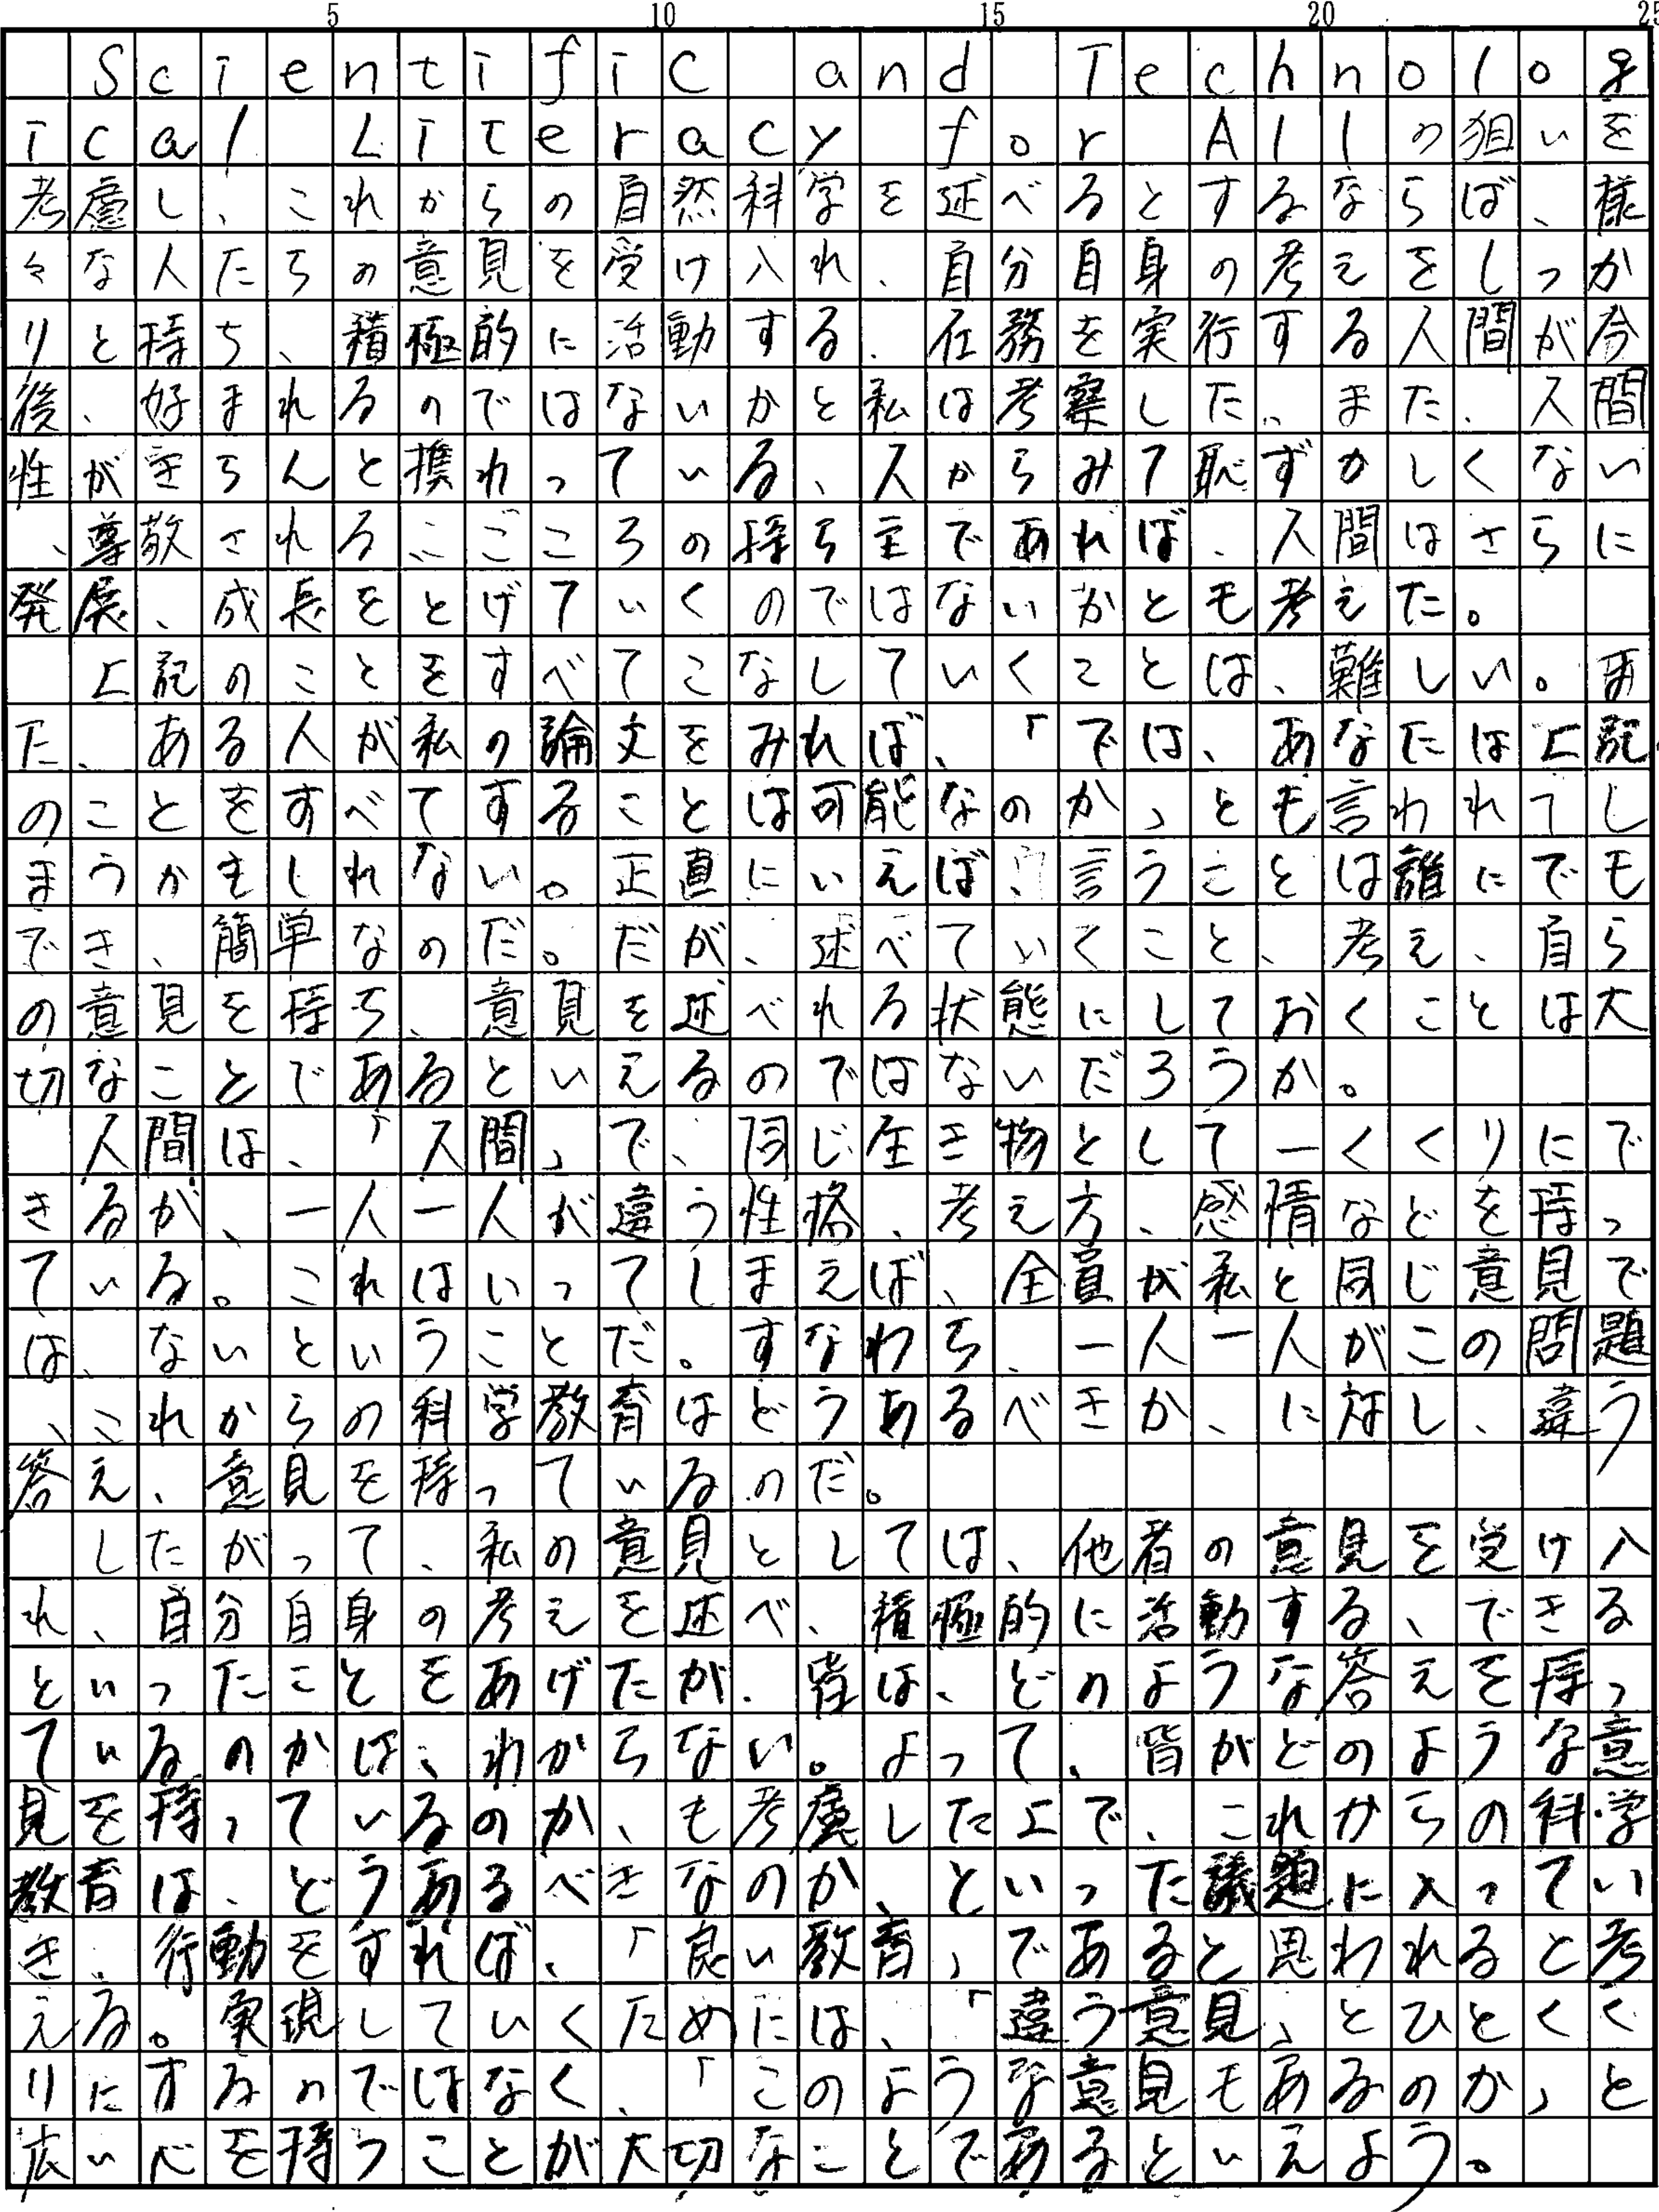　Ｓｃｉｅｎｔｉｆｉｃ　ａｎｄ　Ｔｅｃｈｎｏｌｏｇｉｃａｌ　Ｌｉｔｅｒａｃｙ　ｆｏｒ　Ａｌｌ の狙いを考慮し、これからの自然科学を述べるとするならば、様々な人たちの意見を受け入れ、自分自身の考えをしっかりと持ち、積極的に活動する、任務を実行する人間が今後、好まれるのではないかと私は考察した。また、人間性がきちんと携わっている、人からみて恥ずかしくない、尊敬される、こころの持ち主であれば、人間はさらに発展、成長をとげていくのではないかとも考えた。
　上記のことをすべてこなしていくことは、難しい。また、ある人が私の▁文をみれば、「では、あなたは上記のことをすべてすることは可能なのか」とも言われてしまうかもしれない。正直にいえば、言うことは誰にでもでき、簡単なのだ。だが、述べていくこと、考え、自らの意見を持ち、意見を述べれる状態にしておくことは大切なことであるといえるのではないだろうか。
　人間は、「人間」で、同じ生き物として一くくりにできるが、一人一人が違う性格、考え方、感情などを持っている。これはいってしまえば、全員が私と同じ意見では、ないということだ。すなわち、一人一人がこの問題、これからの科学教育はどうあるべきか、に対し、違う答え、意見を持っているのだ。
　したがって、私の意見としては、他者の意見を受け入れ、自分自身の考えを述べ、積極的に活動する、できるといったことをあげたが、皆は、どのような答えを持っているのかは、わからない。よって、皆がどのような意見を持っているのか、も考慮した上で、これからの科学教育は、どうあるべきなのか、といった議題に入っていき、行動をすれば、「良い教育」であると思われると考える。実現していくためには、「違う意見」とひとくくりにするのではなく、「このような意見もあるのか」と広い心を持つことが大切なことであるといえよう。
